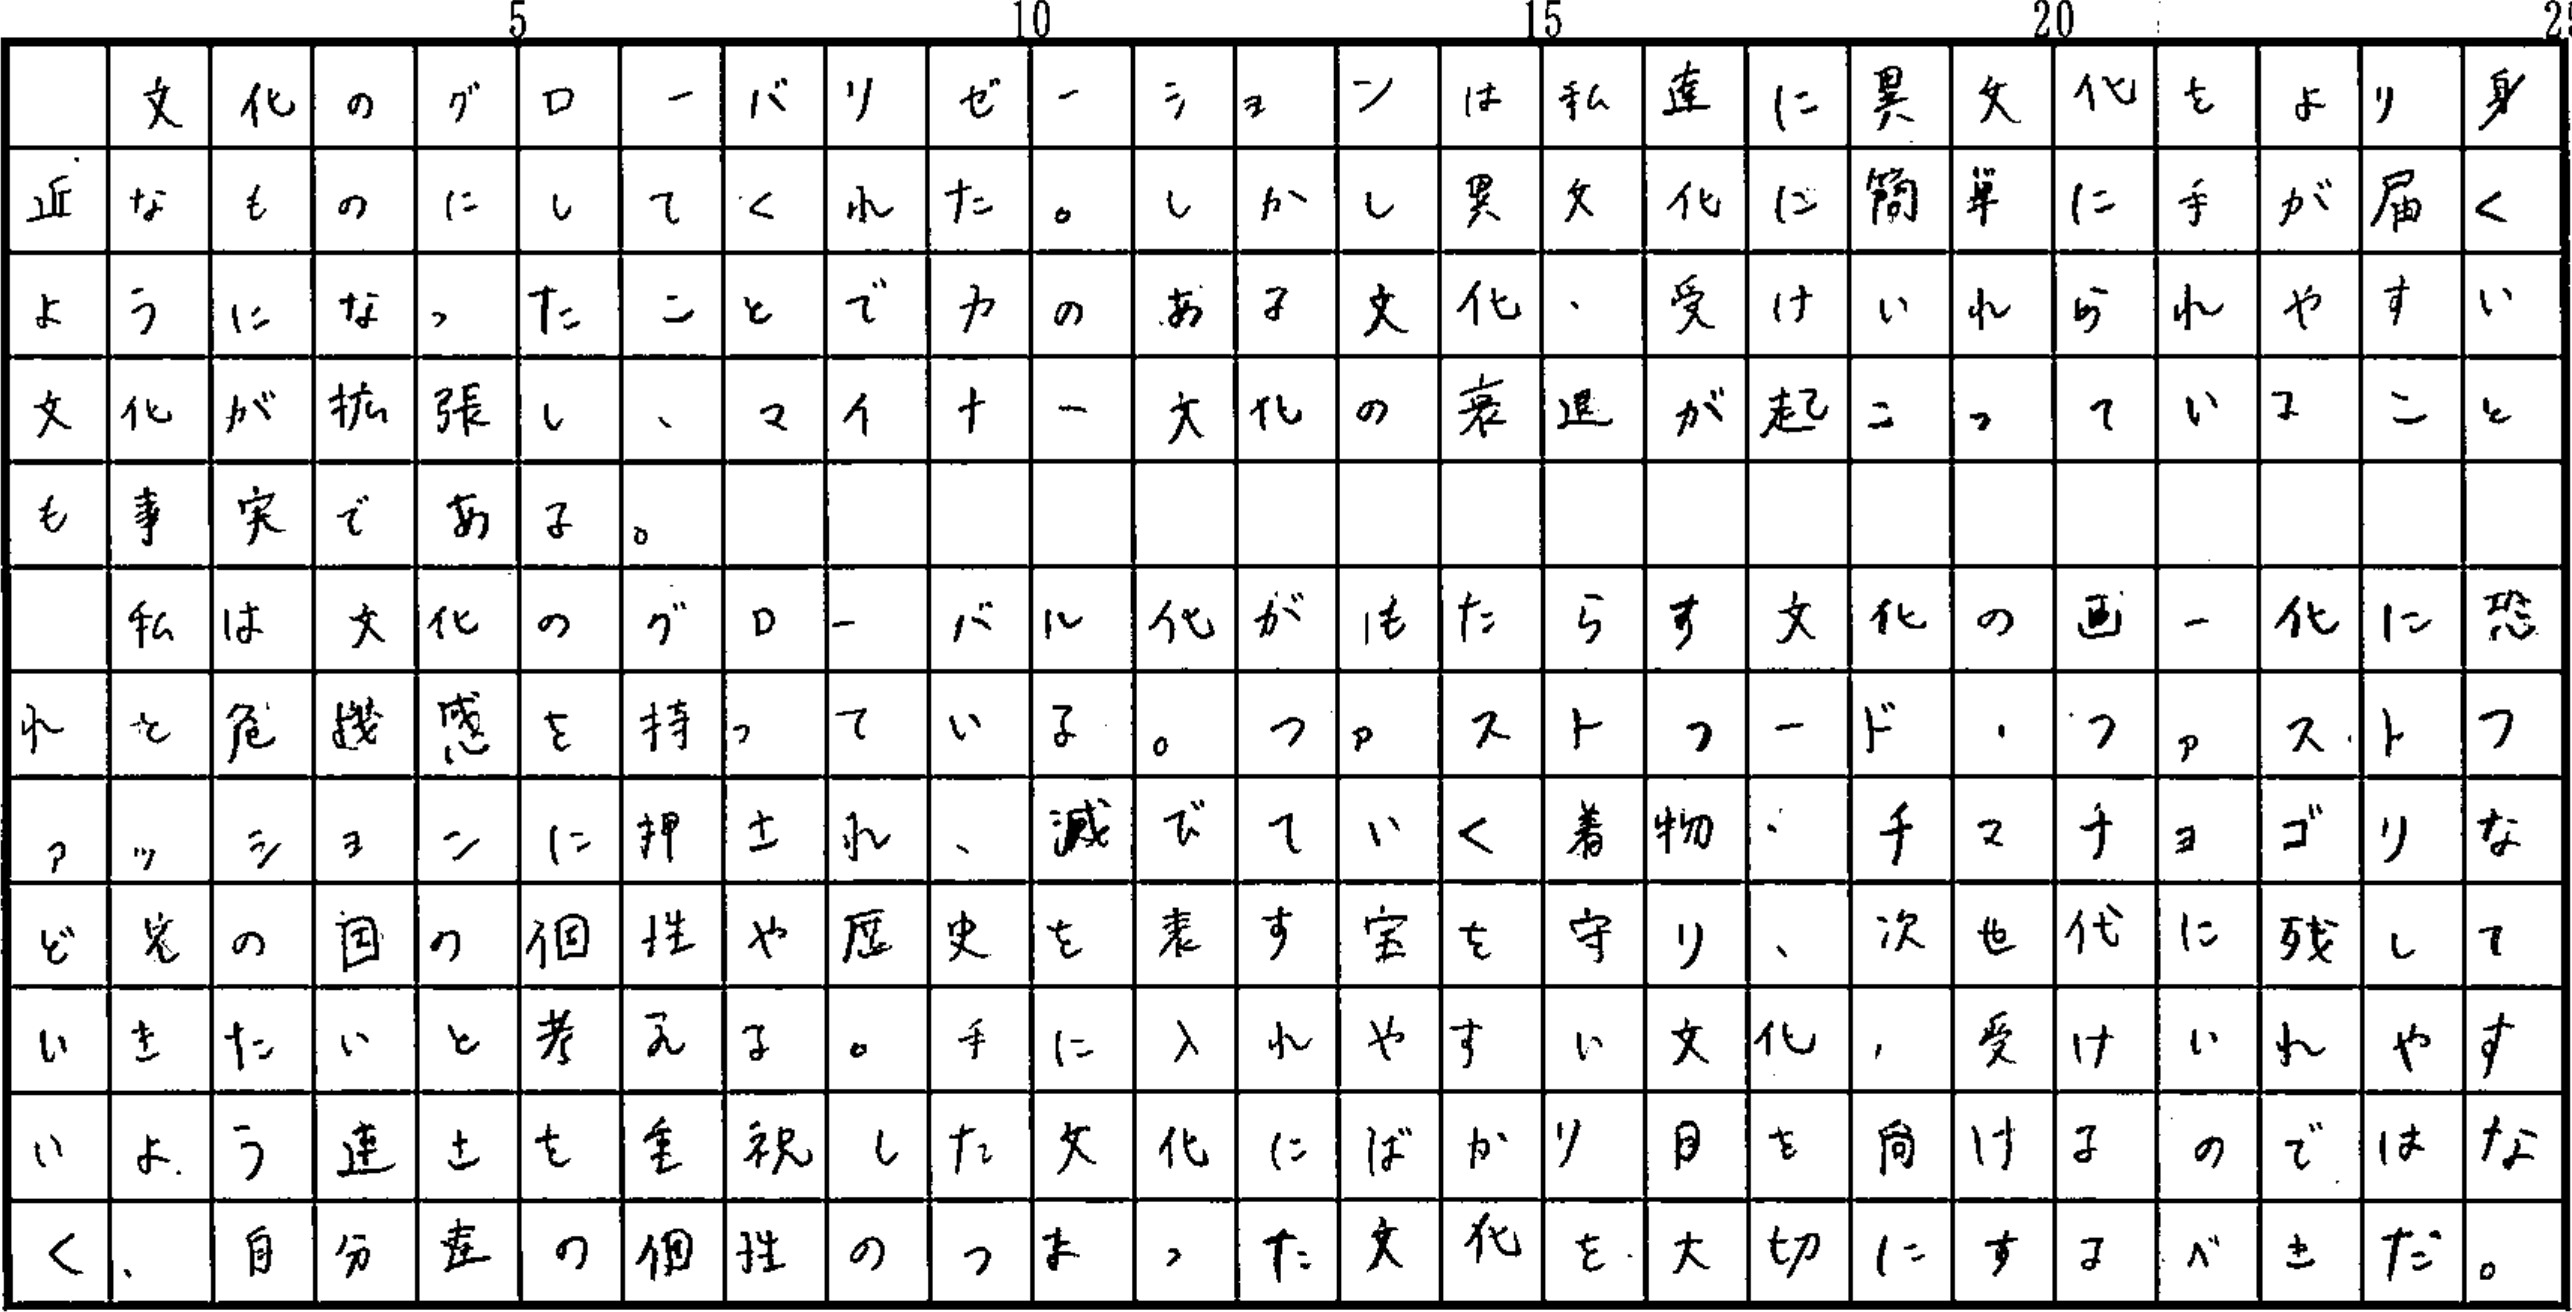　文化のグローバリゼーションは私達に異文化をより身近なものにしてくれた。しかし異文化に簡単に手が届くようになったことで力のある文化・受けいれられやすい文化が拡張し、マイナー文化の衰退が起こっていることも事実である。
　私は文化のグローバル化がもたらす文化の画一化に恐れと危機感を持っている。ファストフード・ファストファッションに押され、滅びていく着物・チマチョゴリなどその国の個性や歴史を表す宝を守り、次世代に残していきたいと考える。手に入れやすい文化、受けいれやすいよう速さを重視した文化にばかり目を向けるのではなく、自分達の個性のつまった文化を大切にするべきだ。
